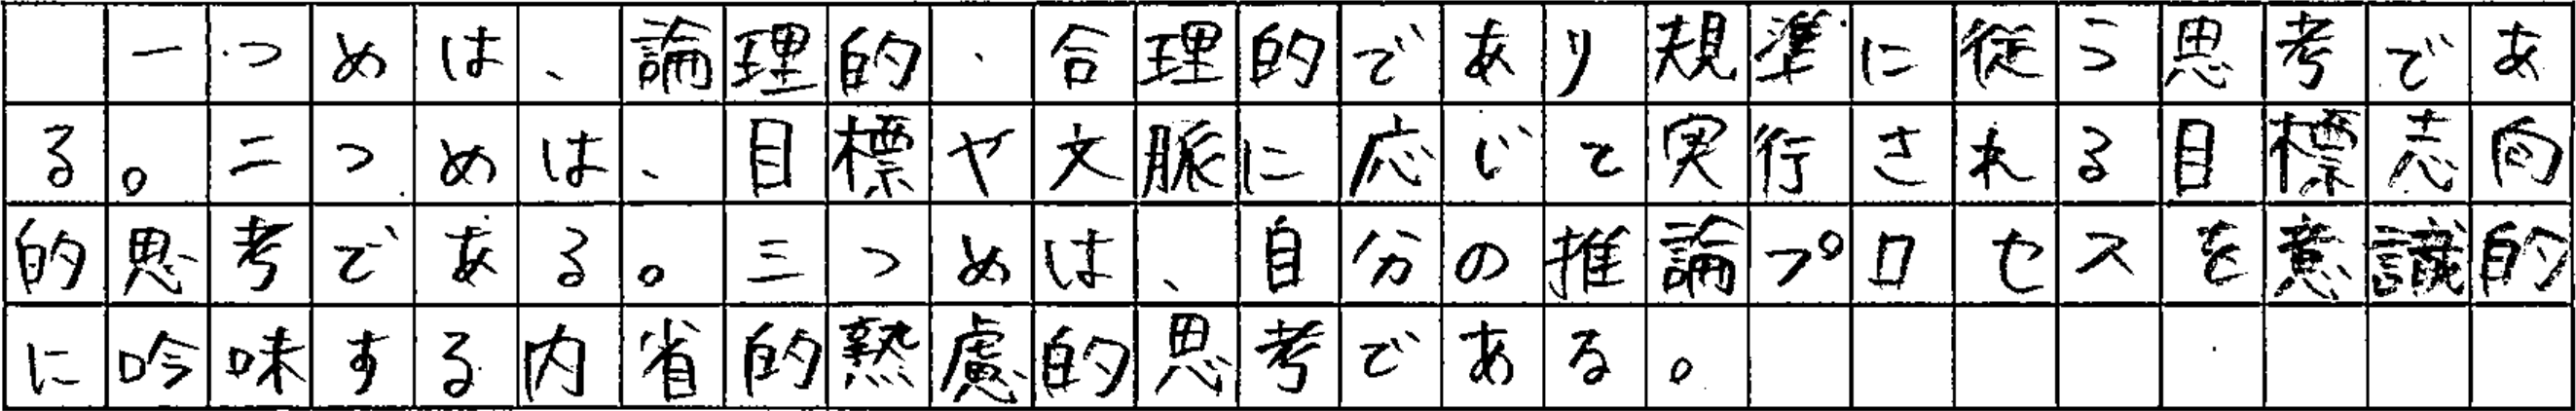　一つめは、論理的・合理的であり規準に従う思考である。二つめは、目標や文脈に応じて実行される目標志向的思考である。三つめは、自分の推論プロセスを意識的に吟味する内省的熟慮的思考である。
